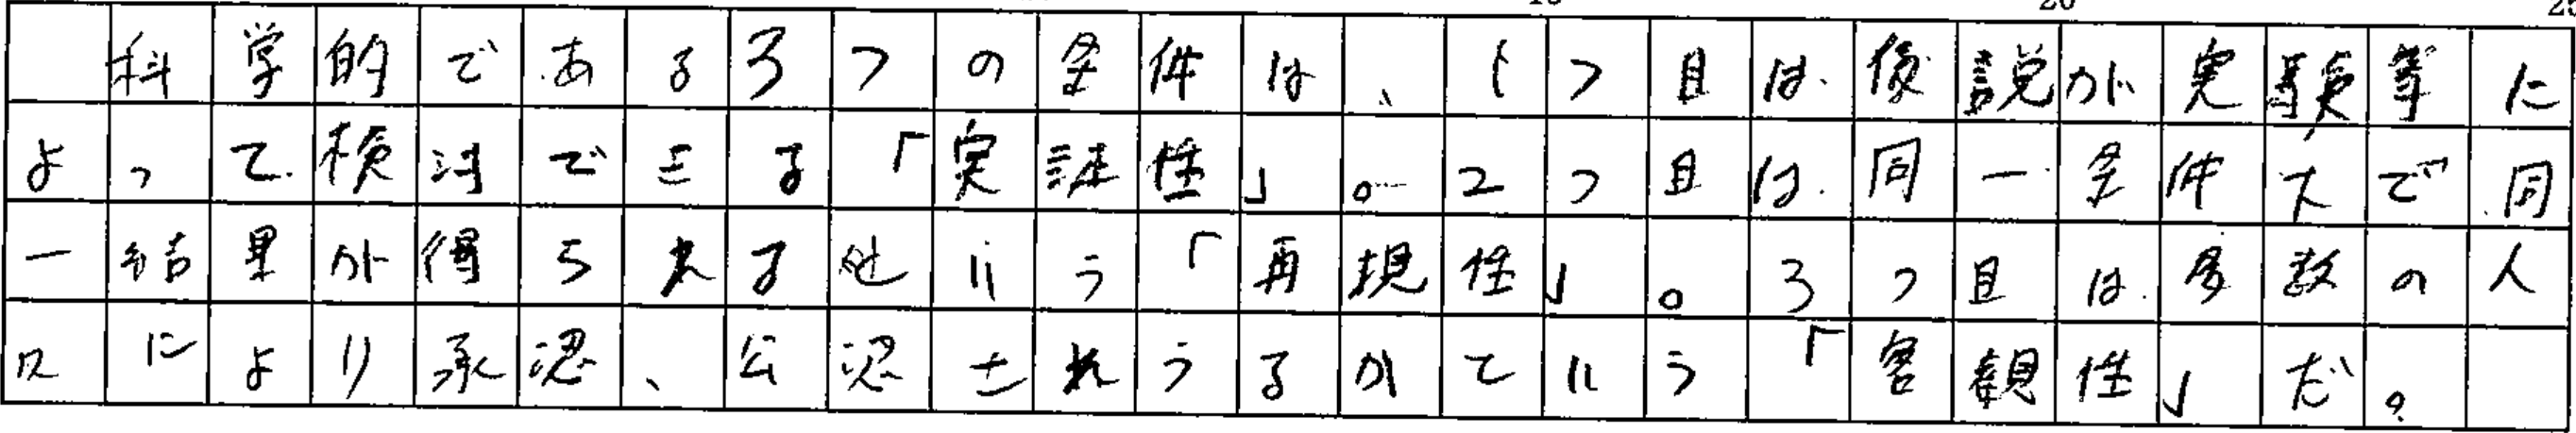　科学的である３つの条件は、１つ目は仮説が実験等によって検討できる「実証性」。２つ目は同一条件下で同一結果が得られるという「再現性」。３つ目は多数の人々により承認、公認されうるかという「客観性」だ。
